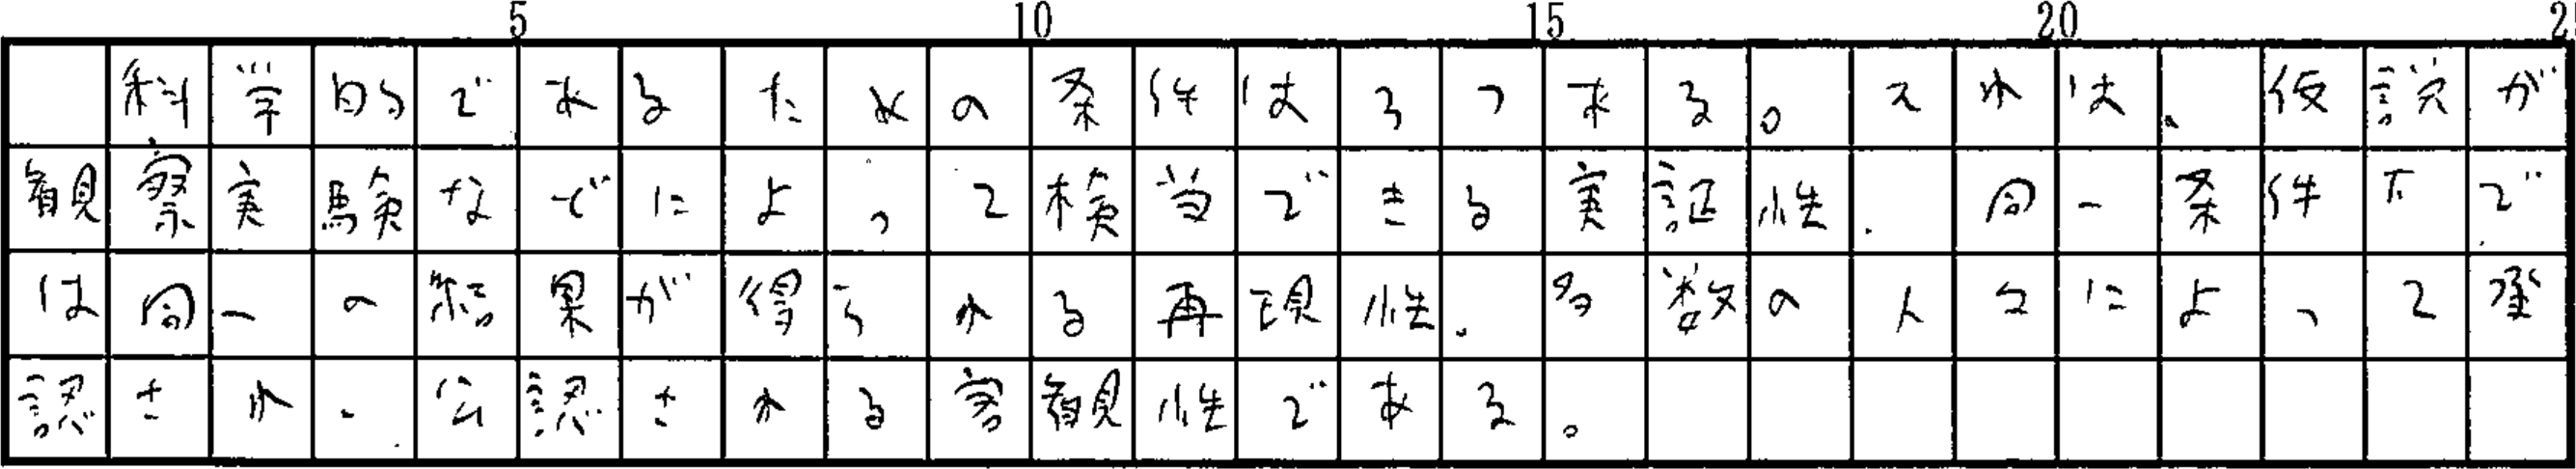　科学的であるための条件は３つある。それは、仮説が観察実験などによって検当できる実証性、同一条件下では同一の結果が得られる再現性、多数の人々によって承認され、公認される客観性である。
